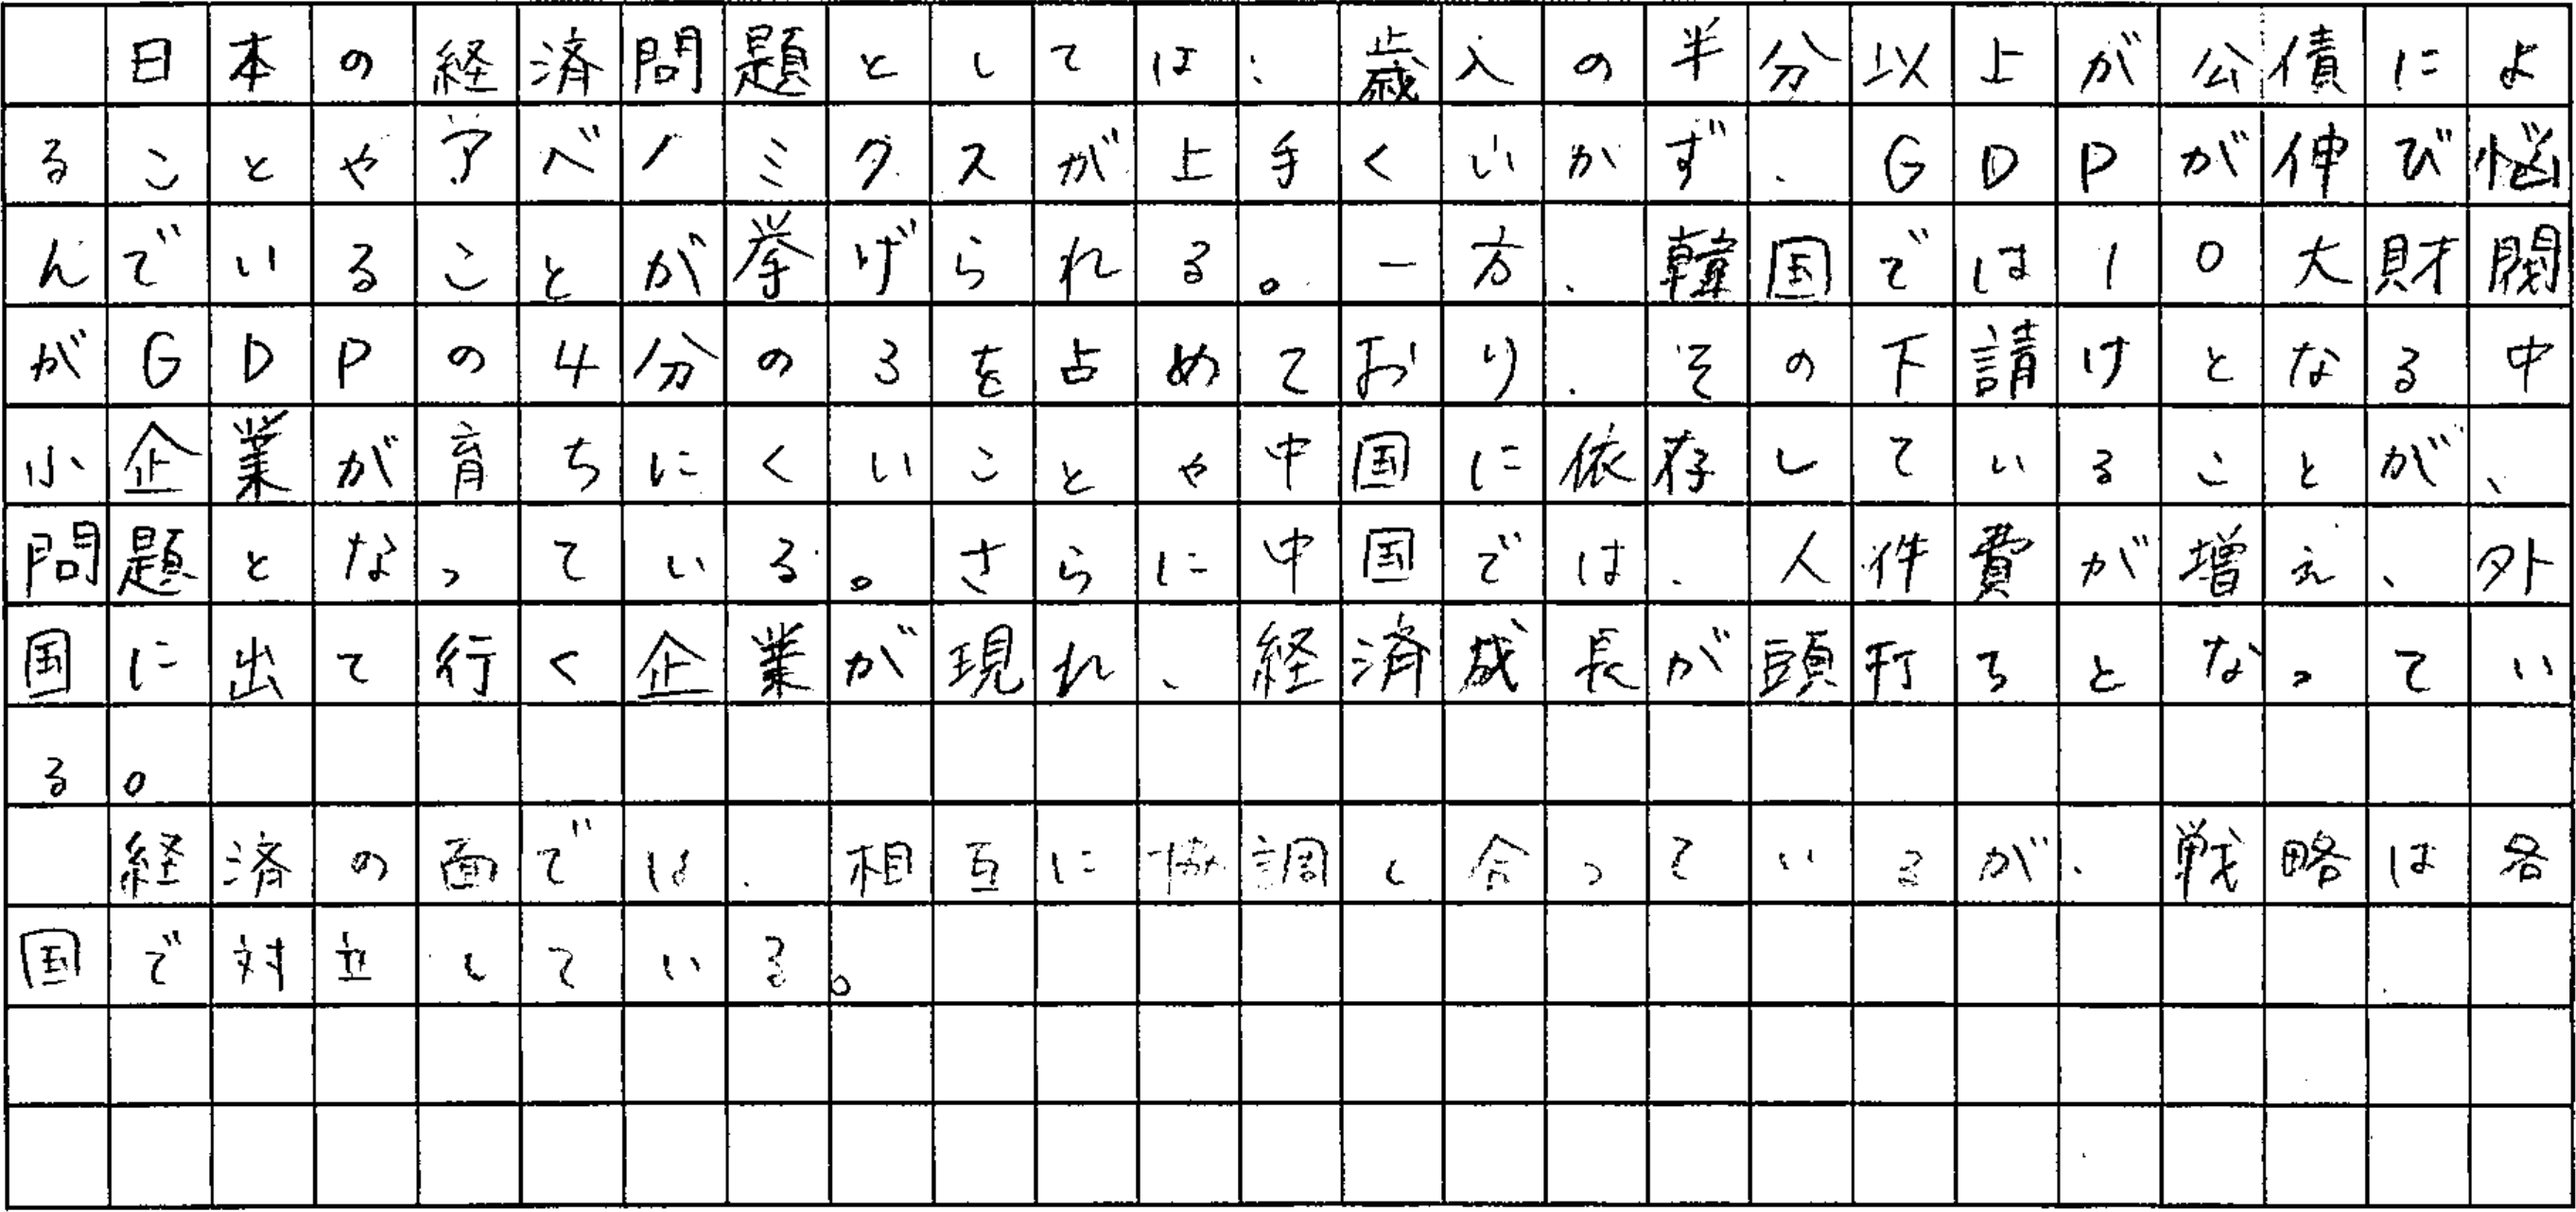　日本の経済問題としては、歳入の半分以上が公債によることやアベノミクスが上手くいかず、ＧＤＰが伸び悩んでいることが挙げられる。一方、韓国では１０大財閥がＧＤＰの４分の３を占めており、その下請けとなる中小企業が育ちにくいことや中国に依存していることが、問題となっている。さらに中国では、人件費が増え、外国に出て行く企業が現れ、経済成長が頭打ちとなっている。
　経済の面では、相互に協調し合っているが、戦略は各国で対立している。
